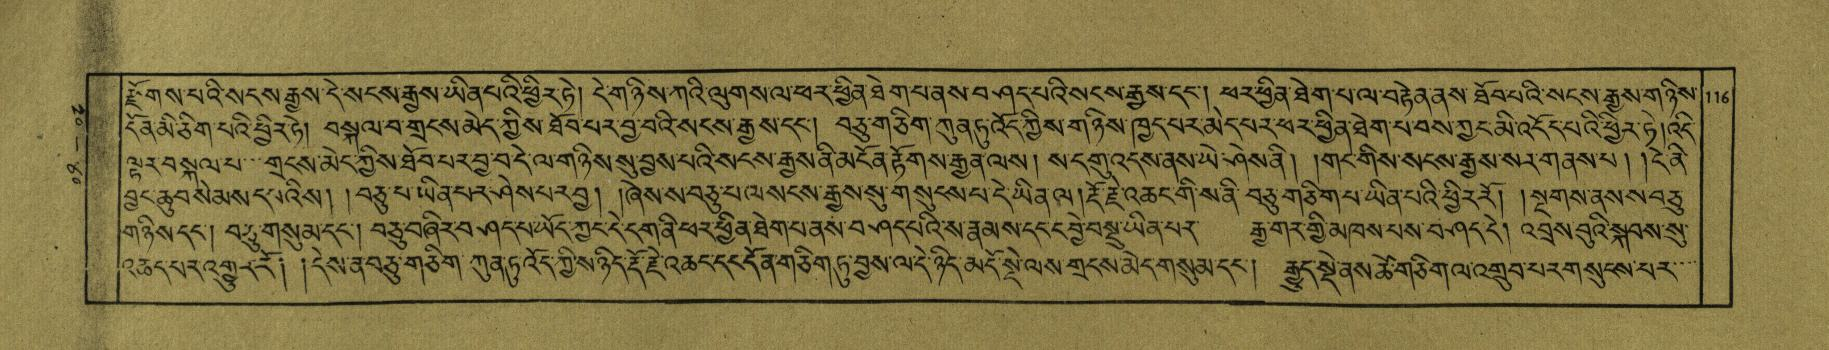རྫོགས་པའི་སངས་རྒྱས་དེ་སངས་རྒྱས་ཡིན་པའི་ཕྱིར་ཏེ། དེ་གཉིས་ཀའི་ལུགས་ལ་ཕར་ཕྱིན་ཐེག་པ་ནས་བཤད་པའི་སངས་རྒྱས་དང་། ཕར་ཕྱིན་ཐེག་པ་ལ་བརྟེན་ནས་ཐོབ་པའི་སངས་རྒྱས་གཉིས་
དོན་མི་ཅིག་པའི་ཕྱིར་ཏེ། བསྐལ་བ་གྲངས་མེད་ཀྱིས་ཐོབ་པར་བྱ་བའི་སངས་རྒྱས་དང་། བཅུ་གཅིག་ཀུན་ཏུ་འོད་ཀྱིས་གཉིས་ཁྱད་པར་མེད་པར་ཕར་ཕྱིན་ཐེག་པ་བས་ཀྱང་མི་འདོད་པའི་ཕྱིར་ཏེ། འདི་
ལྟར་བསྐལ་པ་གྲངས་མེད་ཀྱིས་ཐོབ་པར་བྱ་བ་དེ་ལ་གཉིས་སུ་བྱས་པའི་སངས་རྒྱས་ནི་མངོན་རྟོགས་རྒྱན་ལས། ས་དགུ་འདས་ནས་ཡེ་ཤེས་ནི། །གང་གིས་སངས་རྒྱས་སར་གནས་པ། །དེ་ནི་
བྱང་ཆུབ་སེམས་དཔའི་ས། །བཅུ་པ་ཡིན་པར་ཤེས་པར་བྱ། །ཞེས་པས་བཅུ་པ་ལ་སངས་རྒྱས་སུ་གསུངས་པ་དེ་ཡིན་ལ། རྡོ་རྗེ་འཆང་གི་ས་ནི་བཅུ་གཅིག་པ་ཡིན་པའི་ཕྱིར་རོ། །སྔགས་ནས་ས་བཅུ་
གཉིས་དང་། བཅུ་གསུམ་དང་། བཅུ་བཞིར་བཤད་པ་ཡོད་ཀྱང་དེ་དང་ནི་ཕར་ཕྱིན་ཐེག་པ་ནས་སྦྷད་པའི་ས་རྣམས་དང་དབྱེ་བསྡུ་ཡིན་པར་རྒྱ་གར་གྱི་མཁས་པས་བཤད་དེ། འབྲས་བུའི་སྐབས་སུ་
འཆད་པར་འགྱུར་རོ། །དེས་ན་བཅུ་གཅིག་ཀུན་ཏུ་འོད་ཀྱི་ས་ཉིད་རྡོ་རྗེ་འཆང་དང་དོན་གཅིག་ཏུ་བྱས་ལ་དེ་ཉིད་མདོ་སྡེ་ལས་གྲངས་མེད་གསུམ་དང་། རྒྱུད་སྡེ་ནས་ཚེ་གཅིག་ལ་འགྲུབ་པར་གསུངས་པར་